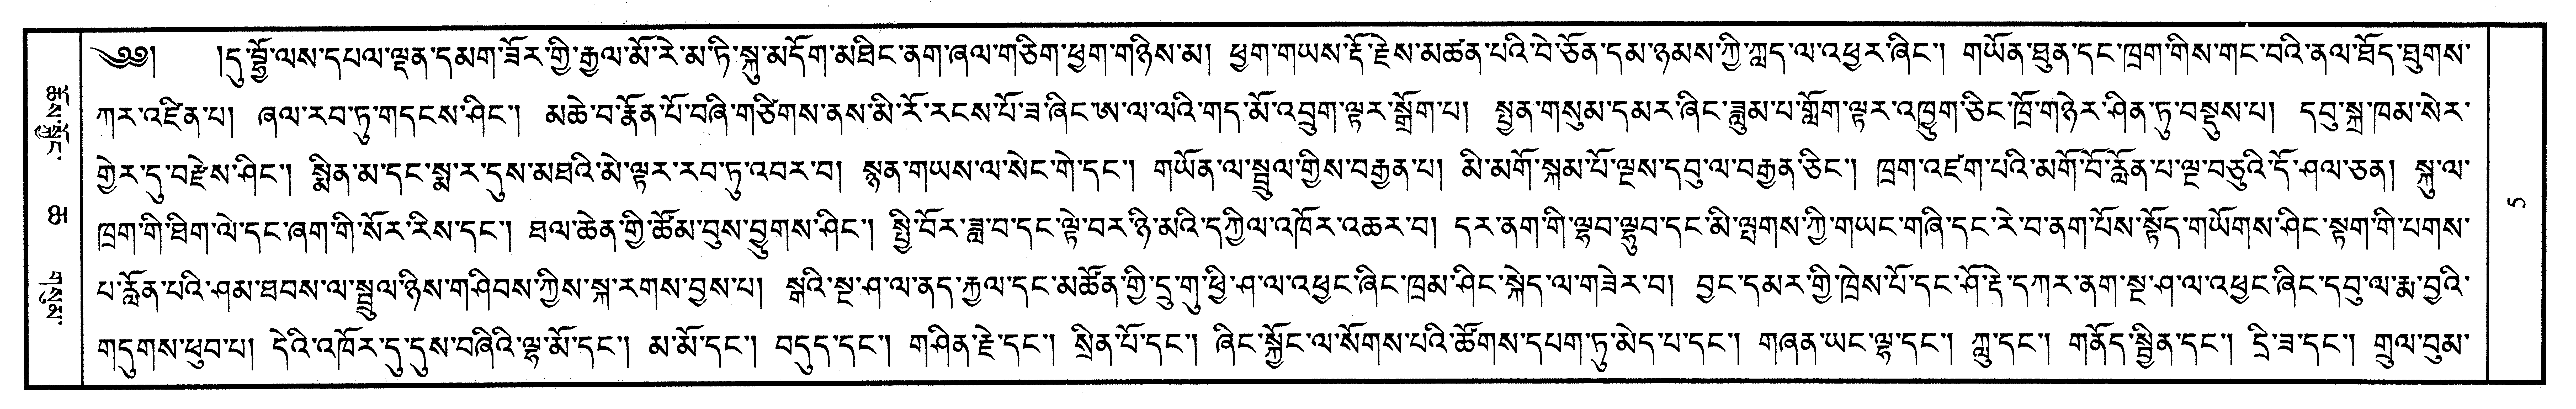༄༅། །དུ་བྷྱོ་ལས་དཔལ་ལྡན་དམག་ཟོར་གྱི་རྒྱལ་མོ་རེ་མ་ཏི་སྐུ་མདོག་མཐིང་ནག་ཞལ་གཅིག་ཕྱག་གཉིས་མ། ཕྱག་གཡས་རྡོ་རྗེས་མཚན་པའི་བེ་ཅོན་དམ་ཉམས་ཀྱི་ཀླད་ལ་འཕྱར་ཞིང་། གཡོན་ཐུན་དང་ཁྲག་གིས་གང་བའི་ནལ་ཐོད་ཐུགས་
ཀར་འཛིན་པ། ཞལ་རབ་ཏུ་གདངས་ཤིང་། མཆེ་བ་རྣོན་པོ་བཞི་གཙིགས་ནས་མི་རོ་རངས་པོ་ཟ་ཞིང་ཨ་ལ་ལའི་གད་མོ་འབྲུག་ལྟར་སྒྲོག་པ། སྤྱན་གསུམ་དམར་ཞིང་ཟླུམ་པ་གློག་ལྟར་འཁྱུག་ཅིང་ཁྲོ་གཉེར་ཤིན་ཏུ་བསྡུས་པ། དབུ་སྐྲ་ཁམ་སེར་
གྱེར་དུ་བརྫེས་ཤིང་། སྨིན་མ་དང་སྨ་ར་དུས་མཐའི་མེ་ལྟར་རབ་ཏུ་འབར་བ། སྙན་གཡས་ལ་སེང་གེ་དང་། གཡོན་ལ་སྦྲུལ་གྱིས་བརྒྱན་པ། མི་མགོ་སྐམ་པོ་ལྔས་དབུ་ལ་བརྒྱན་ཅིང་། ཁྲག་འཛག་པའི་མགོ་བོ་རློན་པ་ལྔ་བཅུའི་དོ་ཤལ་ཅན། སྐུ་ལ་
ཁྲག་གི་ཐིག་ལེ་དང་ཞག་གི་སོར་རིས་དང་། ཐལ་ཆེན་གྱི་ཚོམ་བུས་བྱུགས་ཤིང་། སྤྱི་བོར་ཟླ་བ་དང་ལྟེ་བར་ཉི་མའི་དཀྱིལ་འཁོར་འཆར་བ། དར་ནག་གི་ལྷབ་ལྷུབ་དང་མི་ལྤགས་ཀྱི་གཡང་གཞི་དང་རེ་བ་ནག་པོས་སྟོད་གཡོགས་ཤིང་སྟག་གི་པགས་
པ་རློན་པའི་ཤམ་ཐབས་ལ་སྦྲུལ་ཉིས་གཤིབས་ཀྱིས་སྐ་རགས་བྱས་པ། སྒའི་སྔ་ཤ་ལ་ནད་རྐྱལ་དང་མཚོན་གྱི་དྲུ་གུ་ཕྱི་ཤ་ལ་འཕྱང་ཞིང་ཁྲམ་ཤིང་སྐེད་ལ་གཟེར་བ། བྱང་དམར་གྱི་ཁྲེས་པོ་དང་ཤོ་རྡེ་དཀར་ནག་སྔ་ཤ་ལ་འཕྱང་ཞིང་དབུ་ལ་རྨ་བྱའི་
གདུགས་ཕུབ་པ། དེའི་འཁོར་དུ་དུས་བཞིའི་ལྷ་མོ་དང་། མ་མོ་དང་། བདུད་དང་། གཤིན་རྗེ་དང་། སྲིན་པོ་དང་། ཞིང་སྐྱོང་ལ་སོགས་པའི་ཚོགས་དཔག་ཏུ་མེད་པ་དང་། གཞན་ཡང་ལྷ་དང་། ཀླུ་དང་། གནོད་སྦྱིན་དང་། དྲི་ཟ་དང་། གྲུལ་བུམ་